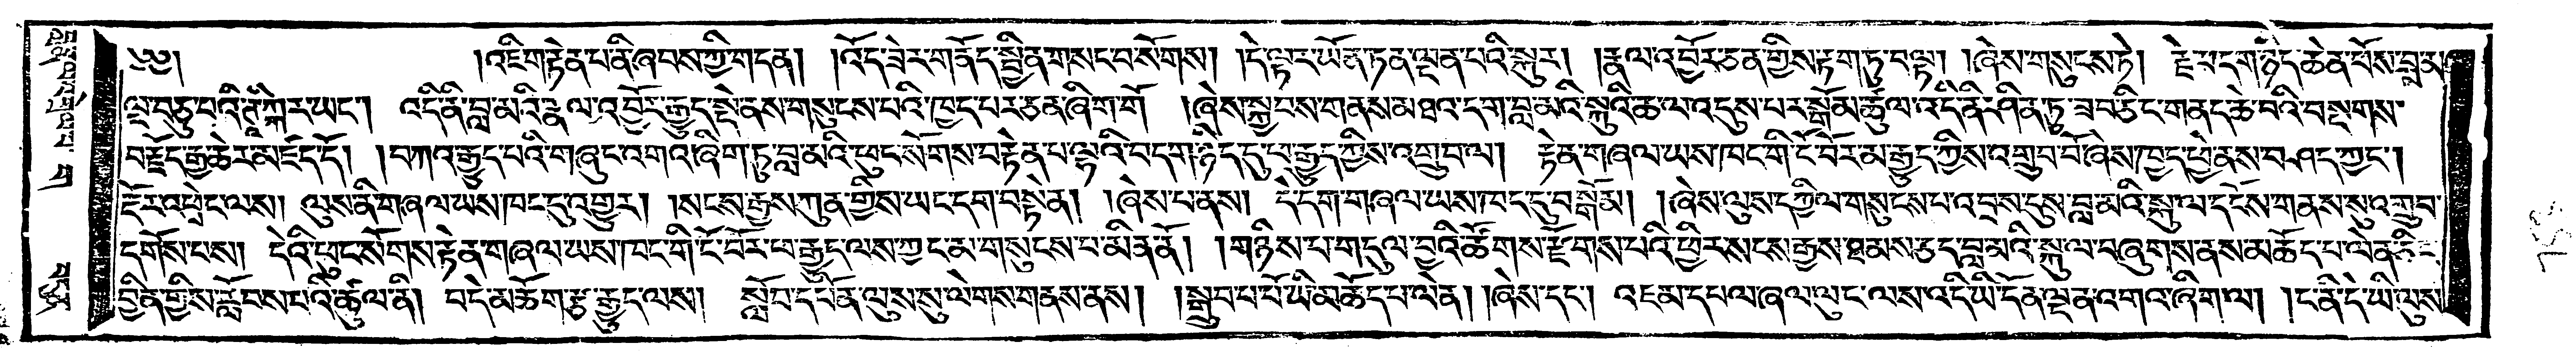༄༅། །འཇིག་རྟེན་པ་ནི་ཞབས་ཀྱི་གདན། །འོད་ཟེར་གནོད་སྦྱིན་གསང་བ་སོགས། །དེ་ལྟར་ཡོན་ཏན་ལྡན་པའི་སྐུར། །རྣལ་འབྱོར་ཅན་གྱིས་རྟག་ཏུ་བལྟ། །ཞེས་གསུངས་ཏེ། རྗེ་བདག་ཉིད་ཆེན་པོས་བླ་མ་
ལྔ་བཅུ་བའི་ཊཱིཀྐར་ཡང་། འདི་ནི་བླ་མའི་རྣལ་འབྱོར་རྒྱུད་སྡེ་ནས་གསུངས་པའི་ཁྱད་པར་ཅན་ཞིག་གོ །ཞེས་སྐྱབས་གནས་མཐའ་དག་བླ་མའི་སྐུའི་ཆ་ལ་འདུས་པར་སྒོམ་ཚུལ་འདི་ནི་ཤིན་ཏུ་ཟབ་ཅིང་གནད་ཆེ་བའི་བསྔགས་
བརྗོད་རྒྱ་ཆེར་མཛད་དོ། །བཀའ་རྒྱུད་པའི་གཞུང་འགའ་ཞིག་ཏུ་བླ་མའི་ཕུང་སོགས་བརྟེན་པ་ལྷའི་བདག་ཉིད་དུ་ཕ་རྒྱུད་ཀྱིས་འགྲུབ་ལ། རྟེན་གཞལ་ཡས་ཁང་གི་ངོ་བོར་མ་རྒྱུད་ཀྱིས་འགྲུབ་བོ་ཞེས་ཁྱད་ཕྱེ་ནས་བཤད་ཀྱང་།
རྡོར་འཕྲེང་ལས། ལུས་ནི་གཞལ་ཡས་ཁང་དུ་འགྱུར། །སངས་རྒྱས་ཀུན་གྱིས་ཡང་དག་བསྟེན། །ཞེས་པ་ནས། དེ་དག་གཞལ་ཡས་ཁང་དུ་བསྒོམ། །ཞེས་ལུས་དཀྱིལ་གསུངས་པ་འབྲས་དུས་བླ་མའི་སྐུ་ལ་དངོས་གནས་སུ་འགྲུབ་
དགོས་པས། དེའི་ཕུང་སོགས་རྟེན་གཞལ་ཡས་ཁང་གི་ངོ་བོར་ཕ་རྒྱུད་ལས་ཀྱང་མ་གསུངས་པ་མིན་ནོ། །གཉིས་པ་གདུལ་བྱའི་ཚོགས་རྫོགས་པའི་ཕྱིར་སངས་རྒྱས་ཐམས་ཅད་བླ་མའི་སྐུ་ལ་བཞུགས་ནས་མཆོད་པ་ལེན་ཅིང་
བྱིན་གྱིས་རློབས་པའི་ཚུལ་ནི། བདེ་མཆོག་རྩ་རྒྱུད་ལས། སློབ་དཔོན་ལུས་སུ་ལེགས་གནས་ནས། །སྒྲུབ་པ་པོ་ཡི་མཆོད་པ་ལེན། །ཞེས་དང་། འཇམ་དཔལ་ཞལ་ལུང་ལས་འདི་ཡི་དོན་ལྡན་འགའ་ཞིག་ལ། །ང་ནི་དེ་ཡི་ལུས་